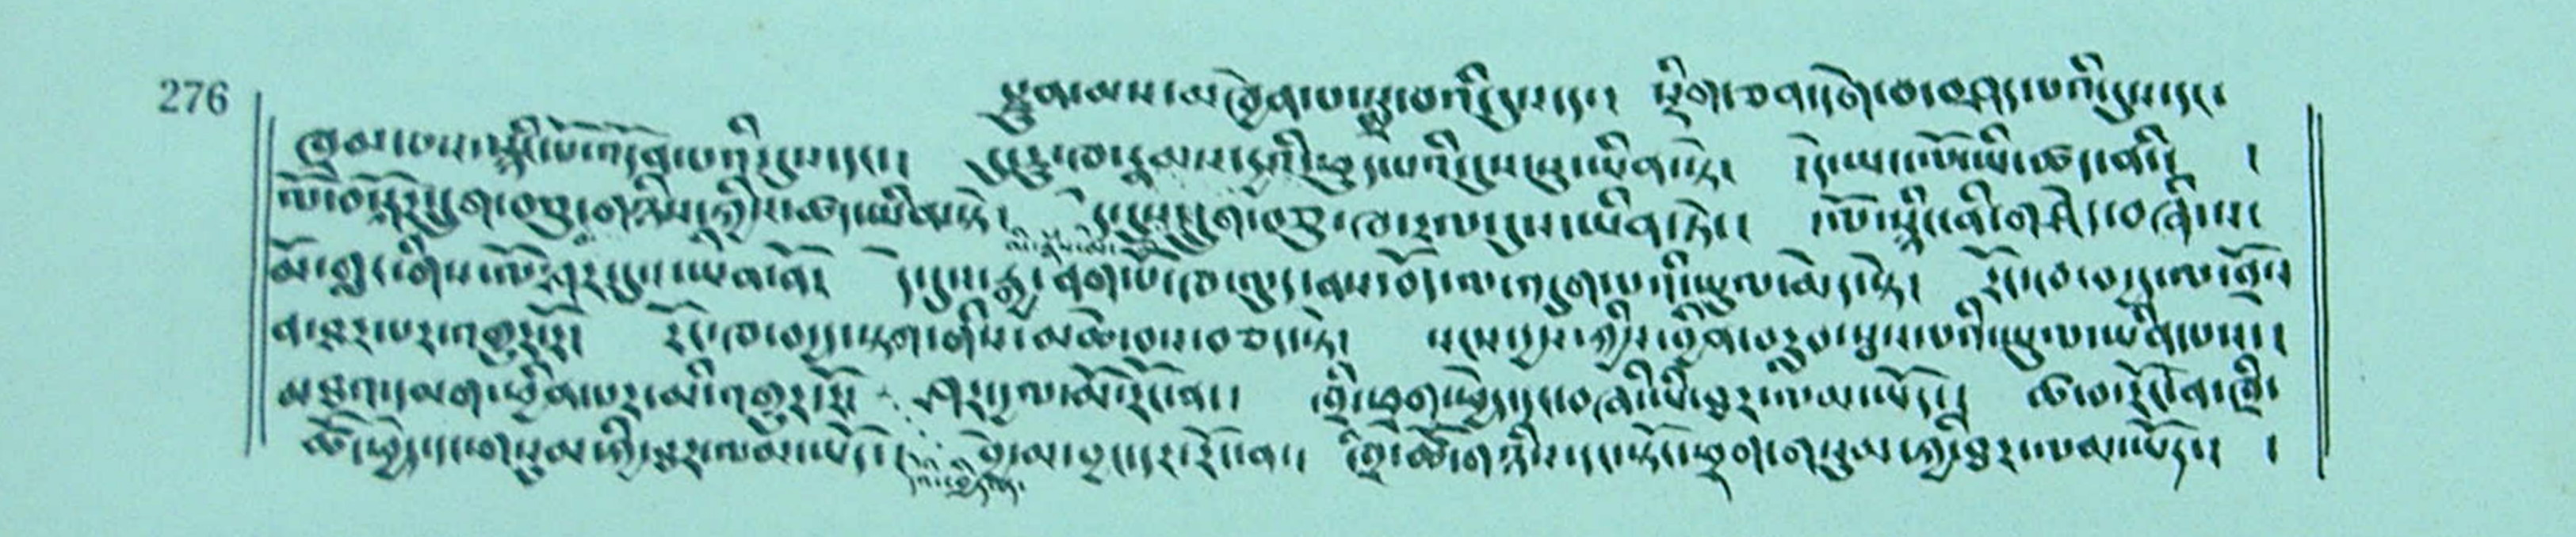རྫུན་མས་མཁྱེན་པ་སྨྲ་བའི་དུས་དང་། སྡིག་ཅན་དགེ་བ་བཤད་པའི་དུས་དང་།
 ཁྲམ་པས་སྙིང་པོ་འདོན་པའི་དུས་དང་། དུ་རུ་ཁ་རྣམས་རྒྱ་ཡིས་ཕུད་པའི་དུས་སུ་ཡིན་ཏེ། དེ་ཡང་ལོའི་ཚད་ནི། 
ལོ་སྐོར་དྲུག་བཅུ་གཉིས་ཀྱི་ཚད་ཡིན་ཏེ། དེ་དུས་མི་རྣམས་ཚེ་ལོ་དྲུག་བཅུའི་ཁ་རལ་དུས་ཡིན་ཏེ། ལོ་སྙིང་ནི་གཤེད་བཞི་ས་
མོ་གླང་གི་ལོ་ཤར་དུས་ཡིན་ནོ། །དེ་དུས་རྒྱ་ནག་པོ་ཁ་ལུད་ནས་བོད་ལ་འདུག་པའི་ཡུལ་མེད་དེ། རོང་ཁ་བརྒྱད་ལ་བྲོས་
ན་ཐར་བར་འགྱུར། རོང་ཁ་བརྒྱད་སྟག་གི་མཆེ་བ་ཅན་འདྲ་བས་བཅད་དེ། སངས་རྒྱས་ཀྱིས་བྱིན་རླབས་སྦས་པའི་ཡུལ་ཡིན་པས། 
མཐའ་དམག་ཕྱིན་པར་མི་འགྱུར་རོ། །དེའི་ཕྱིར་ན་ཤར་རྒྱལ་མོ་རོང་ན། ཁྲི་ཕྲག་ཕྱེད་དང་བཞིའི་ཐར་ལམ་ཡོད། ལྷོ་ཚ་བ་རོང་ན་ཁྲི་
ཚོ་ཕྱེད་དང་གསུམ་གྱི་ཐར་ལམ་ཡོད། བྱེ་མ་བྱང་དར་རོང་ན། ཁྲི་ཚོ་གཉིས་དང་སྟོང་ཕྲག་གསུམ་གྱི་ཐར་ལམ་ཡོད།